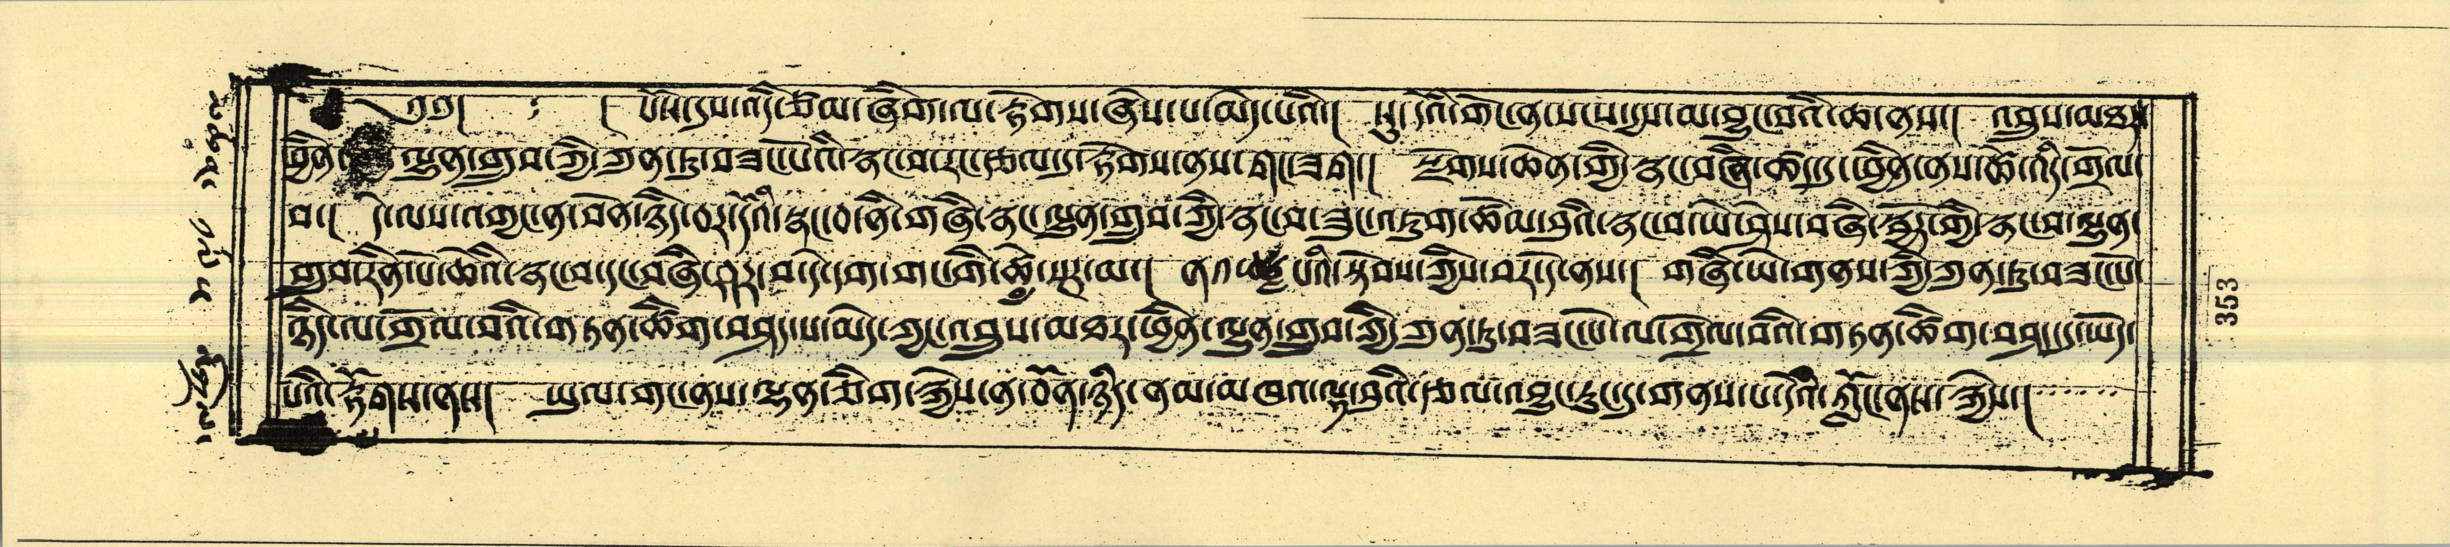༼པོས་༽དུས་འདི་ཙམ་ཞིག་ལ་རྟོགས་ཞེས་པ་མེད་པའི། ༼སུ་༽དེའི་གོང་ན་སངས་རྒྱས་མ་བྱུང་བའི་ཆ་ནས། འབྲས་བུ་མཐར་
ཕྱིན་གྱི་ལྷུན་གྲུབ་ཀྱི་ཀུན་ཏུ་བཟང་པོའི་སྣང་བ་རང་རྩལ་དུ་རྟོགས་ནས་ ༼གང་ཟག།༽སྫོགས་ཆེན་གྱི་སྣང་བཞི་ཚད་དུ་ཕྱིན་ནས་༼ཚེ་འདི་༽གྲོལ་
བ། དེ་ལས་འགྱང་ན་བོན་ཉིད་༼བར་དོའི་སྣང་བ་༽ནི་གཞི་སྣང་ལྷུན་གྲུབ་ཀྱི་སྣང་བ་ཟུང་འཇུག་ཚོམ་བུའི་སྣང་བ་ཡེ་ཤེས་བཞི་སྦྱོར་གྱི་སྣང་བ་ལྷུན་
གྲུབ་རིན་པོ་ཆེའི་སྣང་བ་དང་བཞི་༼ཤར་༽བ་དེ་དག་གང་གི་ཚེ་སྔར་མ། ན༡༥༦།༤ ༼པའི་༽སྟོབས་ཀྱིས་བར་དོ་ནས། གཞི་ཡེ་གནས་ཀྱི་ཀུན་ཏུ་བཟང་པོ་
ཉིད་ལ་གྲོལ་བའི་གཏན་ཚིག་བཤད་པ་མེད་ཀྱང་འབྲས་བུ་མཐར་ཕྱིན་ལྷུན་གྲུབ་ཀྱི་ཀུན་ཏུ་བཟང་པོ་ལ་གྲོལ་བའི་གཏན་ཚིག་བཤད་དུ་ཡོད་
པའི་༼རྟོགས་ནས།༽ཡུལ་གང་ནས་ལྷན་ཅིག་སྐྱེས་ན་༼བོན་ཉིད་༽ནམ་མཁའ་ལྟ་བུའི་རྩལ་འབྱུང་རུང་དུ་གནས་པ་དེའི་༼ཀློང་ནས་༽སྐྱེས།